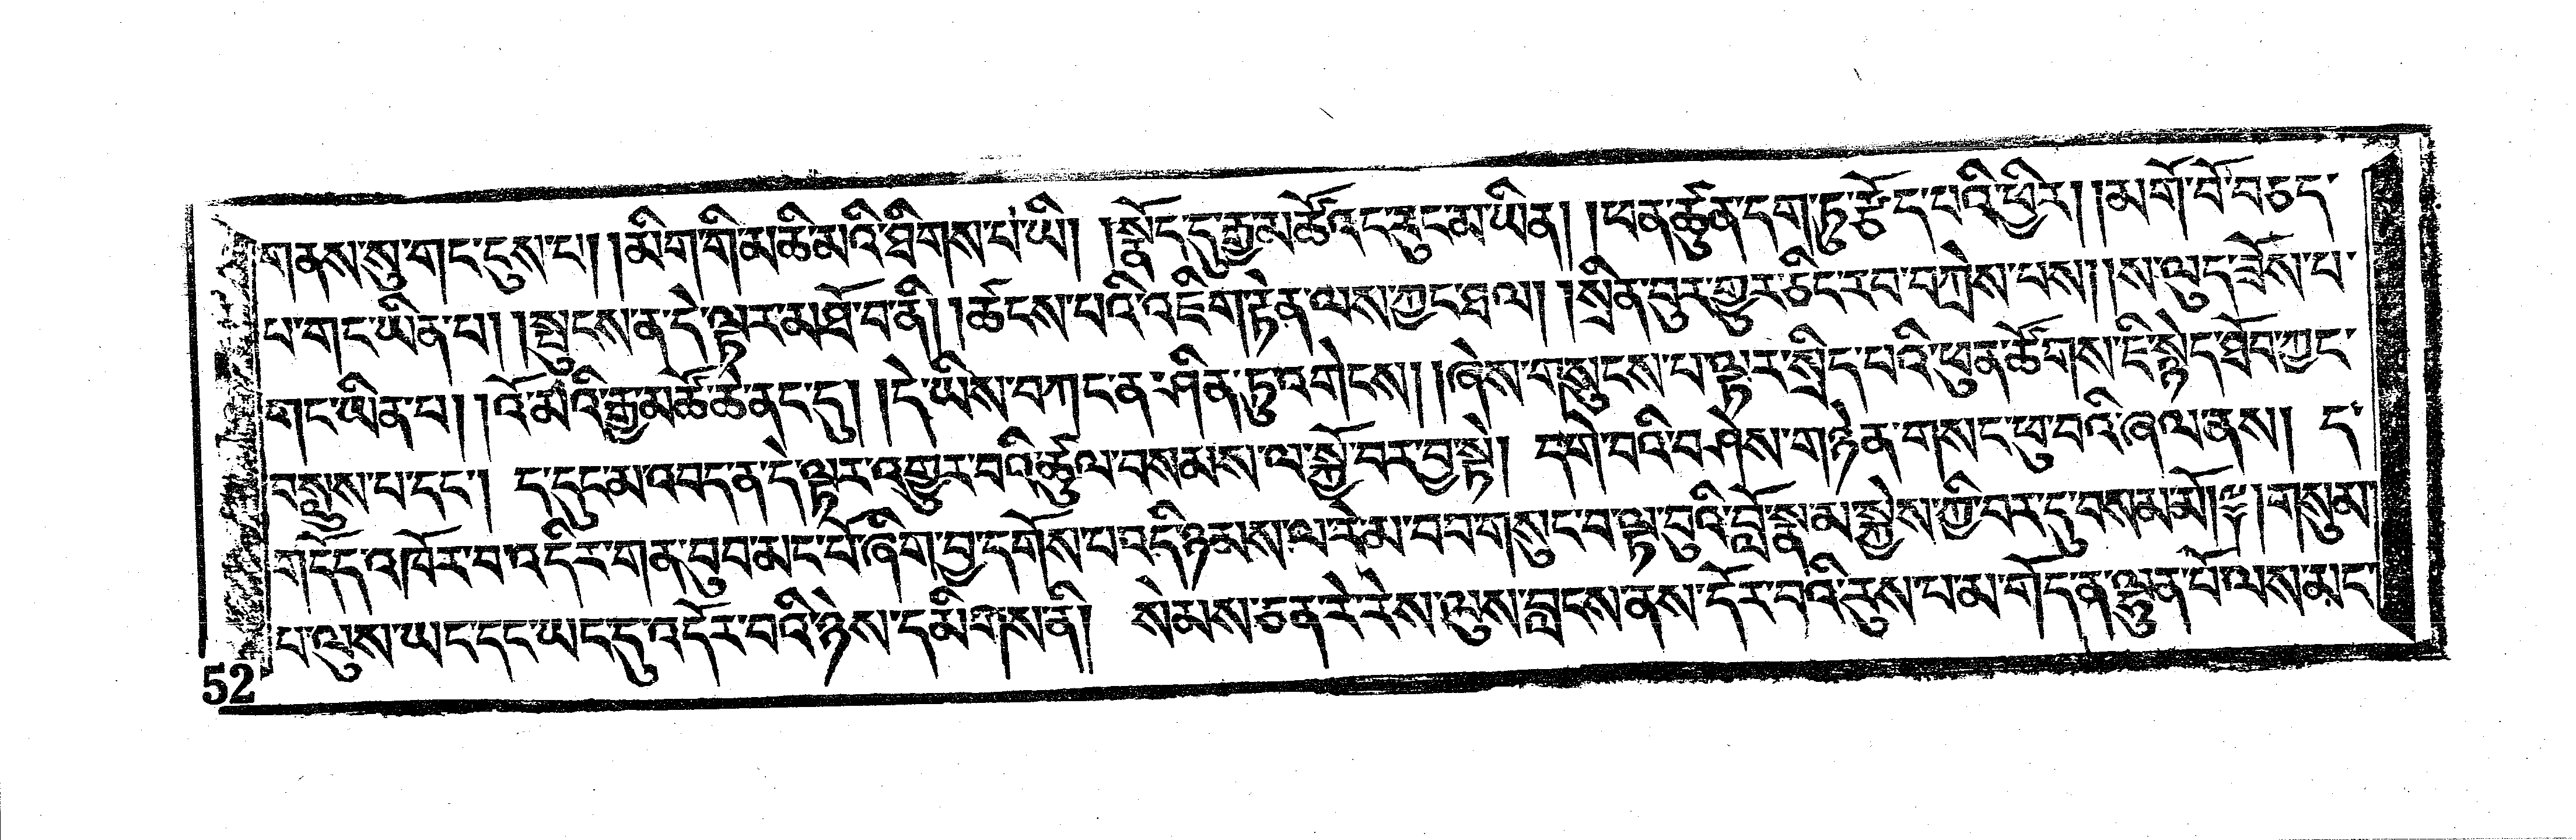གནས་སུ་གང་དུས་པ། །མིག་གི་མཆི་མའི་ཐིགས་པ་ཡི། །སྣོད་དུ་རྒྱ་མཚོའང་རུང་མ་ཡིན། །ཕན་ཚུན་དག་ཏུ་རྩོད་པའི་ཕྱིར། །མགོ་བོ་བཅད་
པ་གང་ཡིན་པ། །སྤུངས་ན་དེ་ལྟར་མཐོ་བ་ནི། །ཚངས་པའི་འཇིག་རྟེན་ལས་ཀྱང་ཐལ། །སྲིན་བུར་གྱུར་ཅིང་རབ་བཀྲེས་པས། །ས་ལུད་ཟོས་པ་
གང་ཡིན་པ། །འོ་མའི་རྒྱ་མཚོ་ཆེ་ནང་དུ། །དེ་ཡིས་བཀང་ན་ཤིན་ཏུ་འགེངས། །ཞེས་གསུངས་པ་ལྟར་སྲིད་པའི་ཕུན་ཚོགས་ཇི་སྙེད་ཐོབ་ཀྱང་
བསླུས་པ་དང་། ད་དུང་མ་འབད་ན་དེ་ལྟར་འགྱུར་བའི་ཚུལ་བསམས་ལ་སྐྱོ་བར་བྱ་སྟེ། དགེ་བའི་བཤེས་གཉེན་གསང་ཕུ་བའི་ཞལ་ནས། ད་
གདོད་འཁོར་བ་འདིར་གན་བུབ་མང་པོ་ཞིག་བྱ་དགོས་པ་འདི་ཉམས་ལ་རེ་མ་བབ་གསུང་བ་ལྟ་བུའི་བློ་སྣ་མ་སྐྱེས་ཀྱི་བར་དུ་བསམ་མོ། ༈ །གསུམ་
པ་ལུས་ཡང་དང་ཡང་དུ་འདོར་བའི་ཉེས་དམིགས་ནི། སེམས་ཅན་རེ་རེས་ལུས་བླངས་ནས་དོར་བའི་རུས་པ་མ་གོད་ན་ལྷུན་པོ་ལས་མང་